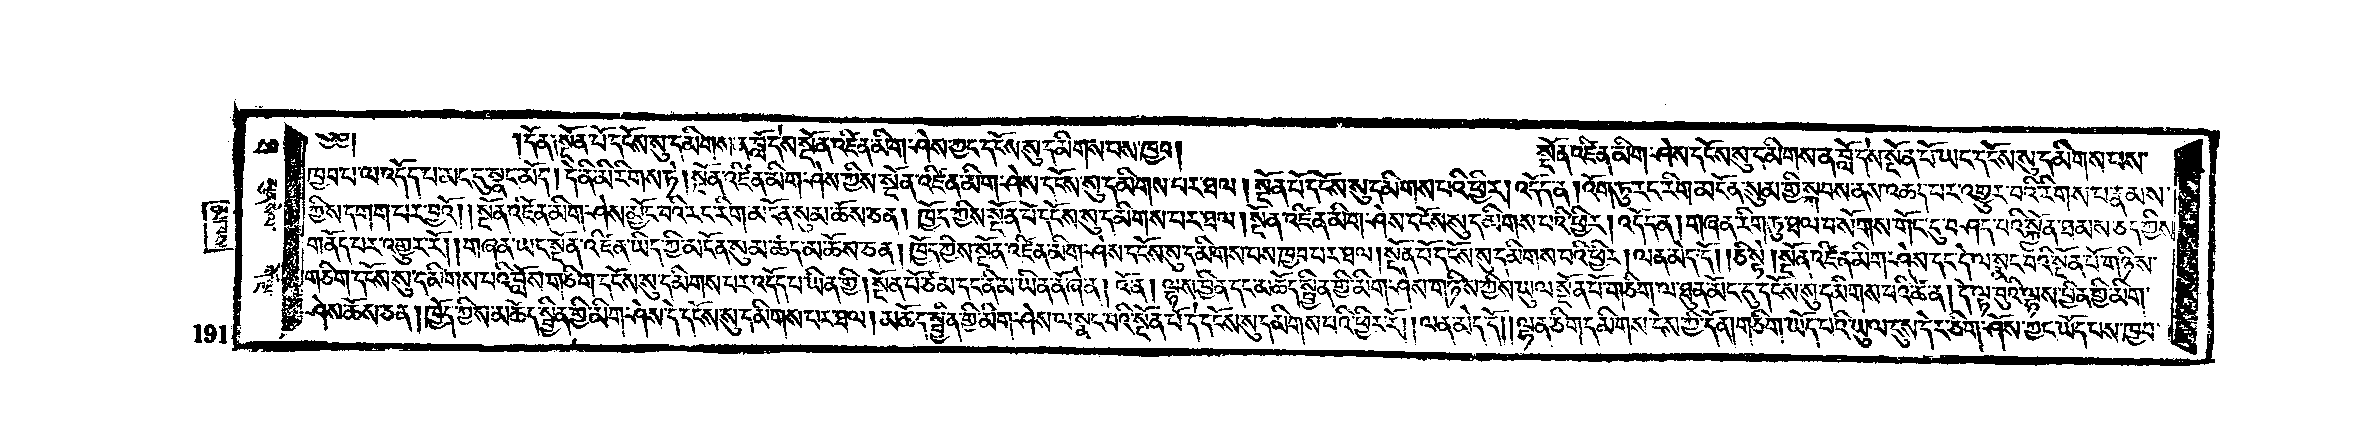༄༅། །དོན། སྔོན་པོ་དངོས་སུ་དམིགས་ན་བློ་དེས་སྔོན་འཛིན་མིག་ཤེས་ཀྱང་དངོས་སུ་དམིགས་པས་ཁྱབ། སྔོན་འཛིན་མིག་ཤེས་དངོས་སུ་དམིགས་ན་བློ་དེས་སྔོན་པོ་ཡང་དངོས་སུ་དམིགས་པས་
ཁྱབ་པ་ལ་འདོད་པ་མང་དུ་སྣང་མོད། དེ་ནི་མི་རིགས་ཏེ། སྔོན་འཛིན་མིག་ཤེས་ཀྱིས་སྔོན་འཛིན་མིག་ཤེས་དངོས་སུ་དམིགས་པར་ཐལ། སྔོན་པོ་དངོས་སུ་དམིགས་པའི་ཕྱིར། འདོད་ན། འོག་ཏུ་རང་རིག་མངོན་སུམ་གྱི་སྐབས་ནས་འཆད་པར་འགྱུར་བའི་རིགས་པ་རྣམས་
ཀྱིས་དགག་པར་བྱའོ། །སྔོན་འཛིན་མིག་ཤེས་མྱོང་བའི་རང་རིག་མངོན་སུམ་ཆོས་ཅན། ཁྱོད་ཀྱིས་སྔོན་པོ་དངོས་སུ་དམིགས་པར་ཐལ། སྔོན་འཛིན་མིག་ཤེས་དངོས་སུ་དམིགས་པའི་ཕྱིར། འདོད་ན། གཞན་རིག་ཏུ་ཐལ་བ་སོགས་གོང་དུ་བཤད་པའི་སྐྱོན་ཐམས་ཅད་ཀྱིས་
གནོད་པར་འགྱུར་རོ། །གཞན་ཡང་སྔོན་འཛིན་ཡིད་ཀྱི་མངོན་སུམ་ཚད་མ་ཆོས་ཅན། ཁྱོད་ཀྱིས་སྔོན་འཛིན་མིག་ཤེས་དངོས་སུ་དམིགས་པས་ཁྱབ་པར་ཐ། སྔོན་པོ་དངོས་སུ་དམིགས་པའི་ཕྱིར། ལན་མེད་དོ། །ཅི་སྟེ། སྔོན་འཛིན་མིག་ཤེས་དང་དེ་ལ་སྣང་བའི་སྔོན་པོ་གཉིས་
གཅིག་དངོས་སུ་དམིགས་པའི་བློས་གཅིག་དངོས་སུ་དམིགས་པར་འདོད་པ་ཡིན་གྱི། སྔོན་པོ་ཙམ་དང་ནི་མ་ཡིན་ནོ་ཞེ་ན། འོ་ན། ལྷས་བྱིན་དང་མཆོད་སྦྱིན་གྱི་མིག་ཤེས་གཉིས་ཀྱིས་ཡུལ་སྔོན་པོ་གཅིག་ལ་ཐུན་མོང་དུ་དངོས་སུ་དམིགས་པའི་ཚེ་ན། དེ་ལྟ་བུའི་ལྷས་བྱིན་གྱི་མིག་
ཤེས་ཆོས་ཅན། ཁྱོད་ཀྱིས་མཆོད་སྦྱིན་གྱི་མིག་ཤེས་དེ་དངོས་སུ་དམིགས་པར་ཐལ། མཆོད་སྦྱིན་གྱི་མིག་ཤེས་ལ་སྣང་བའི་སྔོན་པོ་དེ་དངོས་སུ་དམིགས་པའི་ཕྱིར་རོ། །ལན་མེད་དོ། །ལྷན་ཅིག་དམིགས་ངེས་ཀྱི་དོན། གཅིག་ཡོད་པའི་ཡུལ་དུས་དེར་ཅིག་ཤོས་ཀྱང་ཡོད་པས་ཁྱབ་